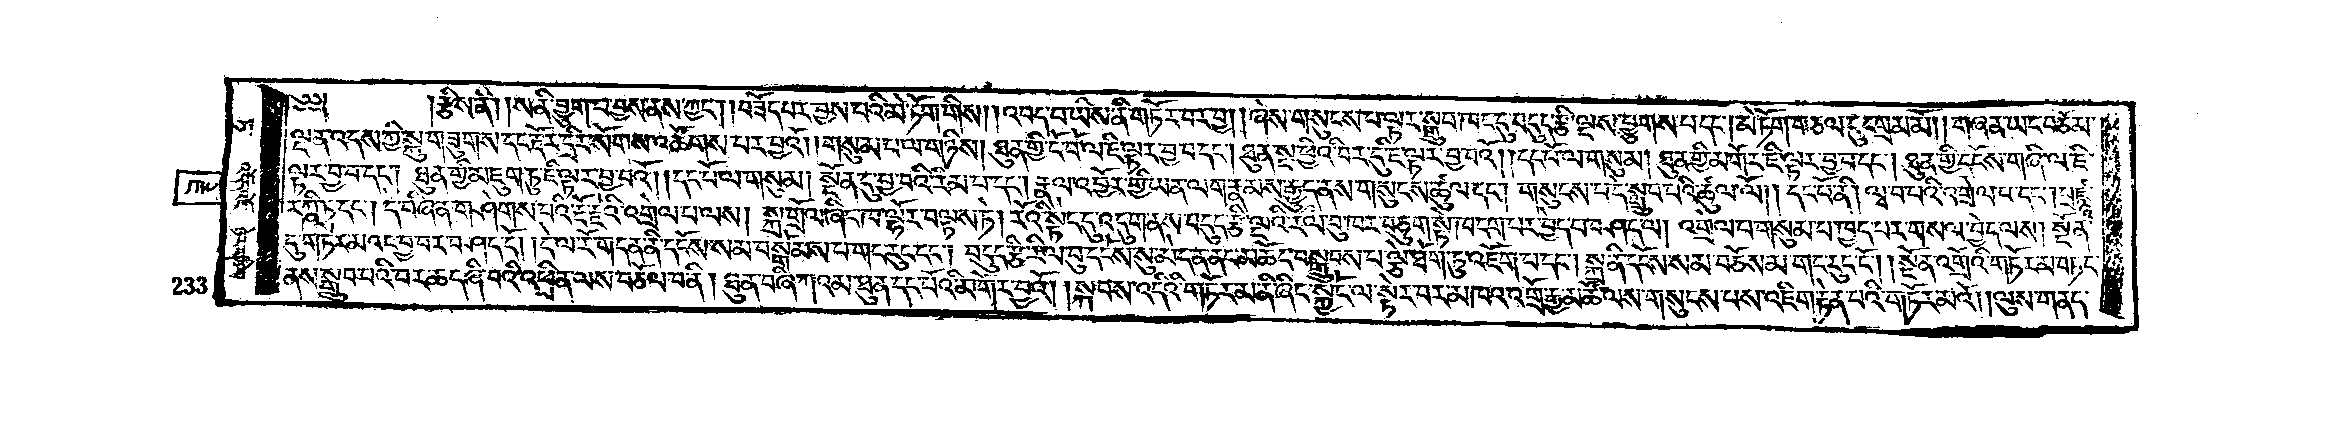༄༅། །རྩིས་ནི། །ས་ནི་བྱུག་པ་བྱས་ནས་ཀྱང་། །བཟོད་པར་བྱས་པའི་མེ་ཏོག་གིས། །འབད་པ་ཡིས་ནི་གཏོར་བར་བྱ། །ཞེས་གསུངས་པ་ལྟར་སྒྲུབ་ཁང་དུ་བདུད་རྩི་ལྔས་བྱུགས་པ་དང་། མེ་ཏོག་གཅལ་དུ་དགྲམ་མོ། །གཞན་ཡང་བཅོམ་
ལྡན་འདས་ཀྱི་སྐུ་གཟུགས་དང་རྡོར་དྲིར་སོགས་འཚོགས་པར་བྱའོ། །གསུམ་པ་ལ་གཉིས། ཐུན་གྱི་ངོ་བོ་ལ་ཇི་ལྟར་བྱ་བ་དང་། ཐུན་སྔ་ཕྱིའི་བར་དུ་ཇི་ལྟར་བྱ་བའོ། །དང་པོ་ལ་གསུམ། ཐུན་གྱི་མགོར་ཇི་ལྟར་བྱ་བ་དང་། ཐུན་གྱི་དངོས་གཞི་ལ་ཇི་
ལྟར་བྱ་བ་དང་། ཐུན་གྱི་མཇུག་ཏུ་ཇི་ལྟར་བྱ་བའོ། །དང་པོ་ལ་གསུམ། སྔོན་དུ་བྱ་བའི་རིམ་པ་དང་། རྣལ་འབྱོར་གྱི་ཡན་ལག་རྣམས་རྒྱུད་ནས་གསུངས་ཚུལ་དང་། གསུངས་པ་དེ་སྒྲུབ་པའི་ཚུལ་ལོ། །དང་པོ་ནི། ལྭ་བ་པའི་འགྲེལ་པ་དང་། པྲཛྙཱ་
རཀྵི་ཏ་དང་། དེ་བཞིན་གཤེགས་པའི་རྡོ་རྗེའི་འགྲེལ་པ་ལས། སྐྲ་གྲོལ་ཞིང་ཁ་ལྷོར་བལྟས་ཏེ། རོའི་སྟེང་དུ་འདུག་ནས་བདུད་རྩི་ལྔའི་རིལ་བུ་ཁར་བཅུག་སྟེ་ཁ་དོག་པར་བྱེད་པ་བཤད་ལ། འགྲེལ་པ་གསུམ་པ་ཁྱད་པར་གསལ་བྱེད་ལས། སྔོན་
དུ་གཏོར་མའང་བྱ་བར་བཤད་དོ། །དེ་ལ་རོ་གདན་ནི་དངོས་སམ་བསྒོམས་པ་གང་རུང་དང་། བདུད་རྩི་རིལ་བུ་དངོས་སུ་མེད་ན་ནང་མཆོད་བསྒྲུབས་པ་ལྕེ་ཐོག་ཏུ་འཇོག་པ་དང་། སྐྲ་ནི་དངོས་སམ་བཅོས་མ་གང་རུང་ངོ། །སྔོན་འགྲོའི་གཏོར་མ་བཏང་
ནས་སྒྲུབ་པའི་བར་ཆད་ཞི་བའི་འཕྲིན་ལས་བཅོལ་བ་ནི། ཐུན་བཞི་ཀའམ་ཐུན་དང་པོའི་མགོར་བྱའོ། །སྐབས་འདིའི་གཏོར་མ་ནི་ཞིང་སྐྱོང་ལ་སྟེར་བར་མཁའ་འགྲོ་རྒྱ་མཚོ་ལས་གསུངས་པས་འཇིག་རྟེན་པའི་གཏོར་མའོ། །ལུས་གནད་